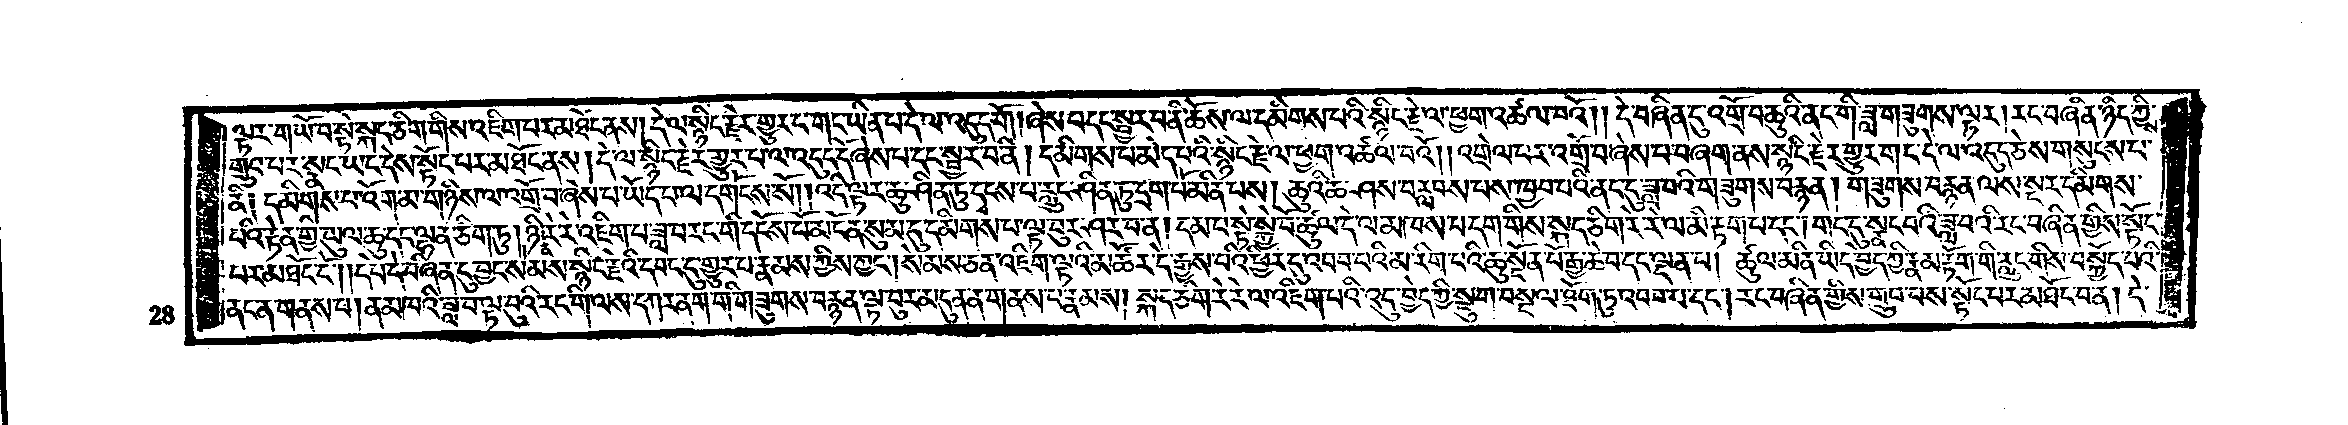ལྟར་གཡོ་བ་སྟེ་སྐད་ཅིག་གིས་འཇིག་པར་མཐོང་ནས། དེ་ལ་སྙིང་རྗེར་གྱུར་པ་གང་ཡིན་པ་དེ་ལ་འདུད་དོ། །ཞེས་པ་དང་སྦྱར་བ་ནི་ཆོས་ལ་དམིགས་པའི་སྙིང་རྗེ་ལ་ཕྱག་འཚལ་བའོ། །དེ་བཞིན་དུ་འགྲོ་བ་ཆུའི་ནང་གི་ཟླ་གཟུགས་ལྟར། རང་བཞིན་ཉིད་ཀྱིས་
གྲུབ་པར་སྣང་ཡང་དེས་སྟོང་པར་མཐོང་ནས། དེ་ལ་སྙིང་རྗེར་གྱུར་པ་ལ་འདུད་དོ་ཞེས་པ་དང་སྦྱར་བ་ནི། །དམིགས་པ་མེད་པའི་སྙིང་རྗེ་ལ་ཕྱག་འཚལ་བའོ། །འགྲེལ་པར་འགྲོ་བ་ཞེས་པ་བཞག་ནས་སྙིང་རྗེར་གྱུར་གང་དེ་ལ་འདུད་ཅེས་གསུངས་པ་
ནི། དམིགས་པ་འོག་མ་གཉིས་ལ་འགྲོ་བ་ཞེས་པ་ཡོད་པ་ལ་དགོངས་སོ། །འདི་ལྟར་ཆུ་ཤིན་ཏུ་དྭངས་པ་རླུང་ཤིན་ཏུ་དྲག་པོ་མིན་པས། ཆུའི་ཆ་ཤས་བརླབས་པས་ཁྱབ་པའི་ནང་དུ་ཟླ་བའི་གཟུགས་བརྙན། གཟུགས་བརྙན་ལས་སྔར་དམིགས་
པའི་རྟེན་གྱི་ཡུལ་ཆུ་དང་ལྷན་ཅིག་ཏུ། ཉིན་རེ་རེ་འཇིག་པ་ཟླ་བ་རང་གི་དངོས་པོ་མངོན་སུམ་དུ་དམིགས་པ་ལྟ་བུར་ཤར་བ་ན། དམ་པ་སྟེ་སྐྱེ་བོ་ཚུལ་དེ་ལ་མཁས་པ་དག་གིས་སྐད་ཅིག་རེ་རེ་ལ་མི་རྟག་པ་དང་། གང་དུ་སྣང་བའི་ཟླ་བའི་རང་བཞིན་གྱིས་སྟོང་
པར་མཐོང་ངོ། །དཔེ་དེ་བཞིན་དུ་བྱང་སེམས་སྙིང་རྗེའི་དབང་དུ་གྱུར་པ་རྣམས་ཀྱིས་ཀྱང་། སེམས་ཅན་འཇིག་ལྟའི་མཚོར་དེ་རྒྱས་པའི་ཕྱིར་དུ་འབབ་པའི་མ་རིག་པའི་ཆུ་སྔོན་པོ་རྒྱ་ཆེ་བ་དང་ལྡན་པ། ཚུལ་མིན་ཡིད་བྱེད་ཀྱི་རྣམ་རྟོག་གི་རླུང་གིས་བསྐྱོད་པའི་
ནང་ན་གནས་པ། ནམ་ཁའི་ཟླ་བ་ལྟ་བུའི་རང་གི་ལས་དཀར་ནག་གི་གཟུགས་བརྙན་ལྟ་བུར་མདུན་ན་གནས་པ་རྣམས། སྐད་ཅིག་རེ་རེ་ལ་འཇིག་པའི་འདུ་བྱེད་ཀྱི་སྡུག་བསྔལ་ཐོག་ཏུ་འབབ་པ་དང་། རང་བཞིན་གྱིས་གྲུབ་པས་སྟོང་པར་མཐོང་བ་ན། དེ་